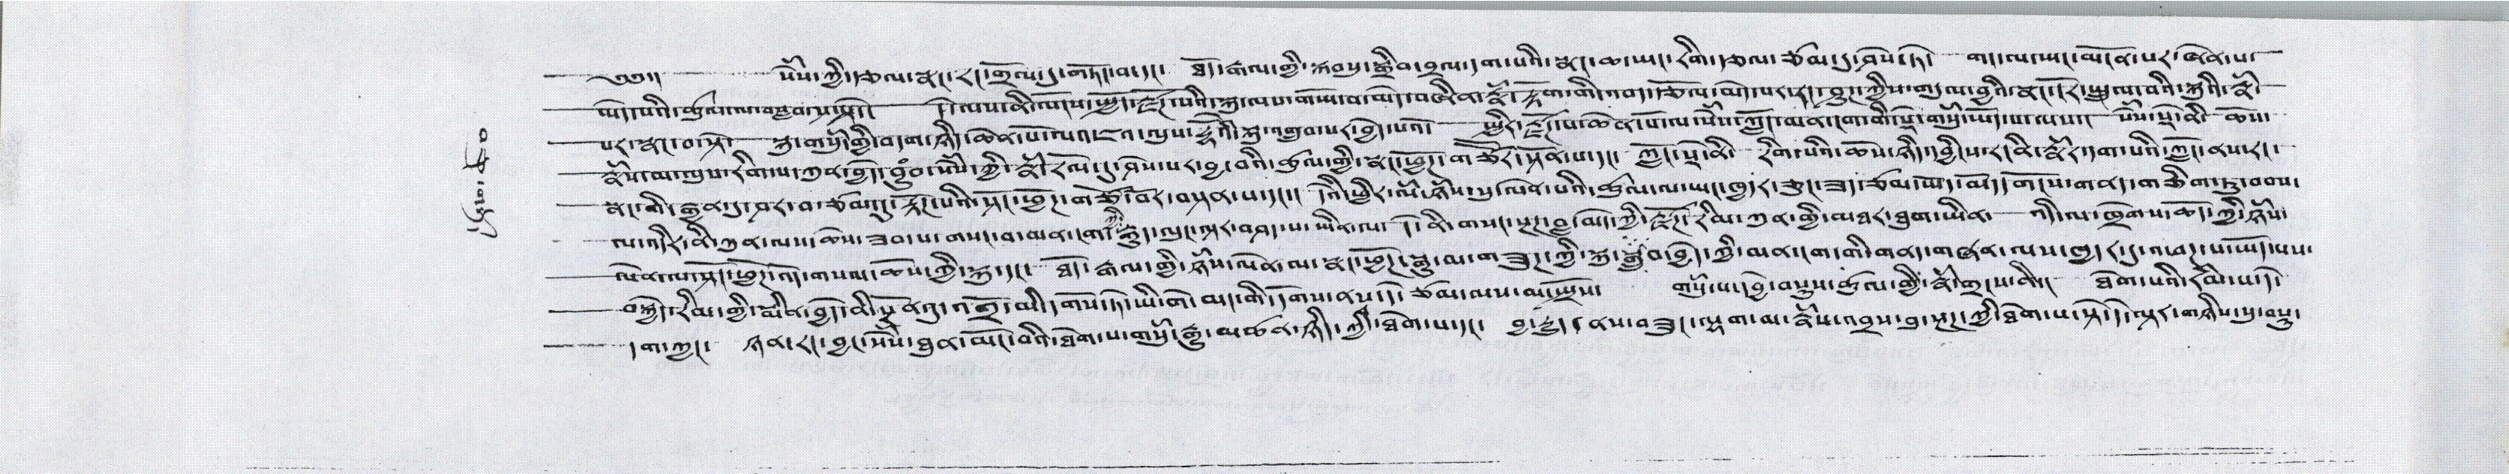ལམ་གྱི་རྩལ་སྣང་རང་གྲོལ་དུ་གཏོང་བ་དང་། ཐོད་རྒལ་གྱི་སྐབས་སུ་སྒྲིབ་བྲལ་དག་པའི་སྣང་ཆ་ཡང་རིག་རྩལ་ཙམ་དུ་ཤེས་ཏེ། གང་ལ་ཡང་མངོན་པར་ཞེན་པ་
མེད་པའི་ཚུལ་ལ་བསླབ་པ་སྟེ། དེ་ལས་ནི་ལོངས་སྤྱོད་རྫོགས་པའི་སྐུ་ལས་གཡོ་བ་མེད་བཞིན་རྣམ་རྟོག་གི་འབད་རྩོལ་མེད་པར་རང་ཤུགས་ཀྱིས་གདུལ་བྱའི་སྣང་ངོར་སྤྲུལ་པའི་སྐུའི་རྣམ་
པར་སྣང་བ་སྟེ། སྐུ་གསུམ་གྱི་བདག་ཉིད་ཆེན་པོ་ལ་འཇའ་ལུས་རྡོ་རྗེའི་སྐུ་འགྲུབ་པར་བྱེད་པའོ། སྤྱིར་རྫོགས་པ་ཆེན་པོ་ལ་སེམས་ཀློང་མན་ངག་གི་སྡེ་གསུམ་ཡོད་པ་ལས། སེམས་སྡེ་ནི་ཆོས་
རྣམས་མ་ལུས་རིག་པ་ཀུན་བྱེད་བྱང་ཆུབ་སེམས་ཀྱི་རྣམ་རོལ་དུ་ཤེས་པར་བྱ་བའི་ཚུལ་གྱི་སྣང་ཕྱོགས་གཙོ་བོར་སྟོན་པ། ཀློང་སྡེ་ནི། རིག་པའི་ཆོས་ཉིད་དབྱིངས་རང་བཞིན་རྣམ་པར་དག་པའི་ཀློང་ནས་རང་
སྣང་གི་རྒྱན་དུ་ཤར་བ་ཙམ་དུ་རྟོགས་པའི་སྟོང་ཚོགས་གཙོ་བོར་བསྟན་པ་དང་། དེའི་ཕྱིར་ལམ་ཉམས་སུ་ལེན་པའི་ཚུལ་ལ་ཡང་ཁྱད་པར་ཅུང་ཟད་ཙམ་ཡོད་མོད། དགོངས་གནད་གཅིག་ཏུ་བབས་
ལ་འདིར་ནི་ཀུན་ལས་ཆེས་ཟབ་པ་གསང་བ་མན་ངག་གི་རྒྱུད་ལུང་བཤད་པ་ཡིན་ལ། དེ་ནི་གསང་སྔགས་བླ་མེད་ཀྱི་རྫོགས་རིམ་ཀུན་གྱི་མཐར་ཐུག་ཡིན། འདི་ལ་ཁྲེགས་ཆོད་ཀྱི་ཉམས་
ལེན་ལ་སྟོང་ཕྱོགས་འོད་གསལ་ཆོས་ཀྱི་སྐུ་དང་། ཐོད་རྒལ་གྱི་ཉམས་ལེན་ལ་སྣང་ཕྱོགས་སྒྱུ་མ་གཟུགས་ཀྱི་སྐུ་སྒྲུབ་བྱེད་ཀྱི་མན་ངག་གི་གནད་གཞན་ལས་ཁྱད་པར་དུ་འཕགས་པ་ཡོད་པས་
བསྐྱེད་རིམ་གྱི་སྨིན་བྱེད་ནི་སྔོན་དུ་འགྲོ་མི་དགོས་ཏེ། ཡི་གེ་མང་དུ་དྭོགས་ནས་དེ་ཙམ་ལས་མ་སྤྲོས། གསུམ་པ་དབྱེ་བསྡུས་ཚུལ་གྱི་རྣམ་གྲངས་ནི། ཐེག་པའི་རིམ་པ་དེ་
དག་ཀྱང་། ཉན་རང་བྱང་སེམས་ཐུན་མོང་བའི་ཐེག་པ་གསུམ་རྒྱུ་མཚན་ཉིད་ཀྱི་ཐེག་པ་དང་། བྱ་རྒྱུད་ནས་བཟུང་ལྷག་མ་རྣམས་འབྲས་བུ་སྔགས་ཀྱི་ཐེག་པ་སྟེ་དེ་ལྟར་གཉིས་སུ་བསྡུ་